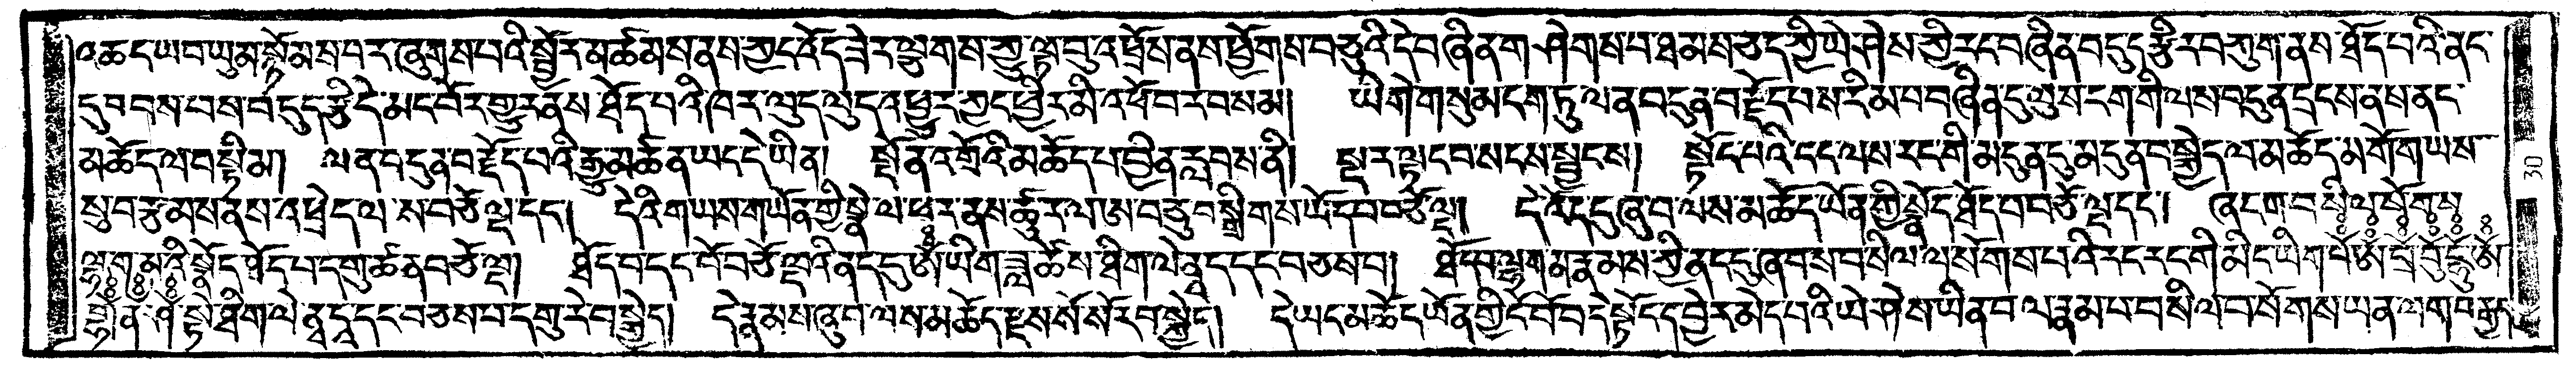འཆང་ཡབ་ཡུམ་སྙོམས་པར་ཞུགས་པའི་སྦྱོར་མཚམས་ནས་ཀྱང་འོད་ཟེར་ལྕགས་ཀྱུ་ལྟ་བུ་འཕྲོས་ནས་ཕྱོགས་བཅུའི་དེ་བཞིན་གཤེགས་པ་ཐམས་ཅད་ཀྱི་ཡེ་ཤེས་ཀྱི་རང་བཞིན་བདུད་རྩིར་བཀུག་ནས་ཐོད་པའི་ནང་
དུ་བབས་བས་བདུད་རྩི་དེ་མང་བོར་གྱུར་ནས་ཐོད་པའི་ཁར་ལུད་ལུད་འཕྱུར་ཀྱང་ཕྱིར་མི་འཕོ་བར་བསམ། ཡི་གེ་གསུམ་ངག་ཏུ་ལན་བདུན་བརྗོད་པས་རིམ་པ་བཞིན་དུ་ལུས་ངག་གི་ལས་བདུན་དྲངས་ནས་ནང་
མཆོད་ལ་བསྟིམ། ལན་བདུན་བརྗོད་པའི་རྒྱུ་མཚན་ཡང་དེ་ཡིན། སྔོན་འགྲོའི་མཆོད་པ་བྱིན་རླབས་ནི། སྔར་ལྟང་བ་བསངས་སྦྱངས། སྟོང་པའི་ངང་ལས་རང་གི་མདུན་དུ་མདུན་བསྐྱེད་ལ་མཆོད་མགོ་གཡས་
སུ་བརྩམས་ནས་འཕྲེད་ལ་ས་བཅོ་ལྔ་དང་། དེའི་གཡས་གཡོན་གྱི་སྣེ་ལ་ཕར་ནས་ཚུར་ལ་ཨ་བཅུ་བསྒྲིགས་ཡོད་པ་བཅོ་ལྔ། དེ་འོད་དུ་ཞུ་བ་ལས་མཆོད་ཡོན་གྱི་སྣོད་ཐོད་པ་བཅོ་ལྔ་དང་། ཞང་ག་བསིལ་སོགས་
ལྷག་མའི་སྣོད་ཐོད་པ་དགུ་ཚན་བཅོ་ལྔ། ཐོད་བ་དང་པོ་བཅོ་ལྔའི་ནང་དུ་ཨོཾ་ཡིག་ཟླ་ཚེས་ཐིག་ལེ་ནཱ་ད་དང་བཅས་པ། ཐོད་པ་ལྷག་མ་རྣམས་ཀྱི་ནང་དུ་ཞབས་བསིལ་ལ་སོགས་པའི་རང་རང་གི་མིང་ཡིག་པོཾ་ཨོཾ་པྲོཾ་བུཾ་དྷུཾ་ཨོཾ་
གྷོཾ་ནོཾ་ཤོཾ་སྟེ་ཐིག་ལེ་ནྭ་དཱ་དང་བཅས་པ་དགུ་རེ་བསྒྱེད། དེ་རྣམས་ཞུ་བ་ལས་མཆོད་རྫས་སོ་སོར་བསྐྱེད། དེ་ཡང་མཆོད་ཡོན་གྱི་ངོ་བོ་བདེ་སྟོང་དབྱེར་མེད་པའི་ཡེ་ཤེས་ཡིན་བ་ལ་རྣམ་པ་བསིལ་བ་སོགས་ཡན་ལག་བརྒྱད་